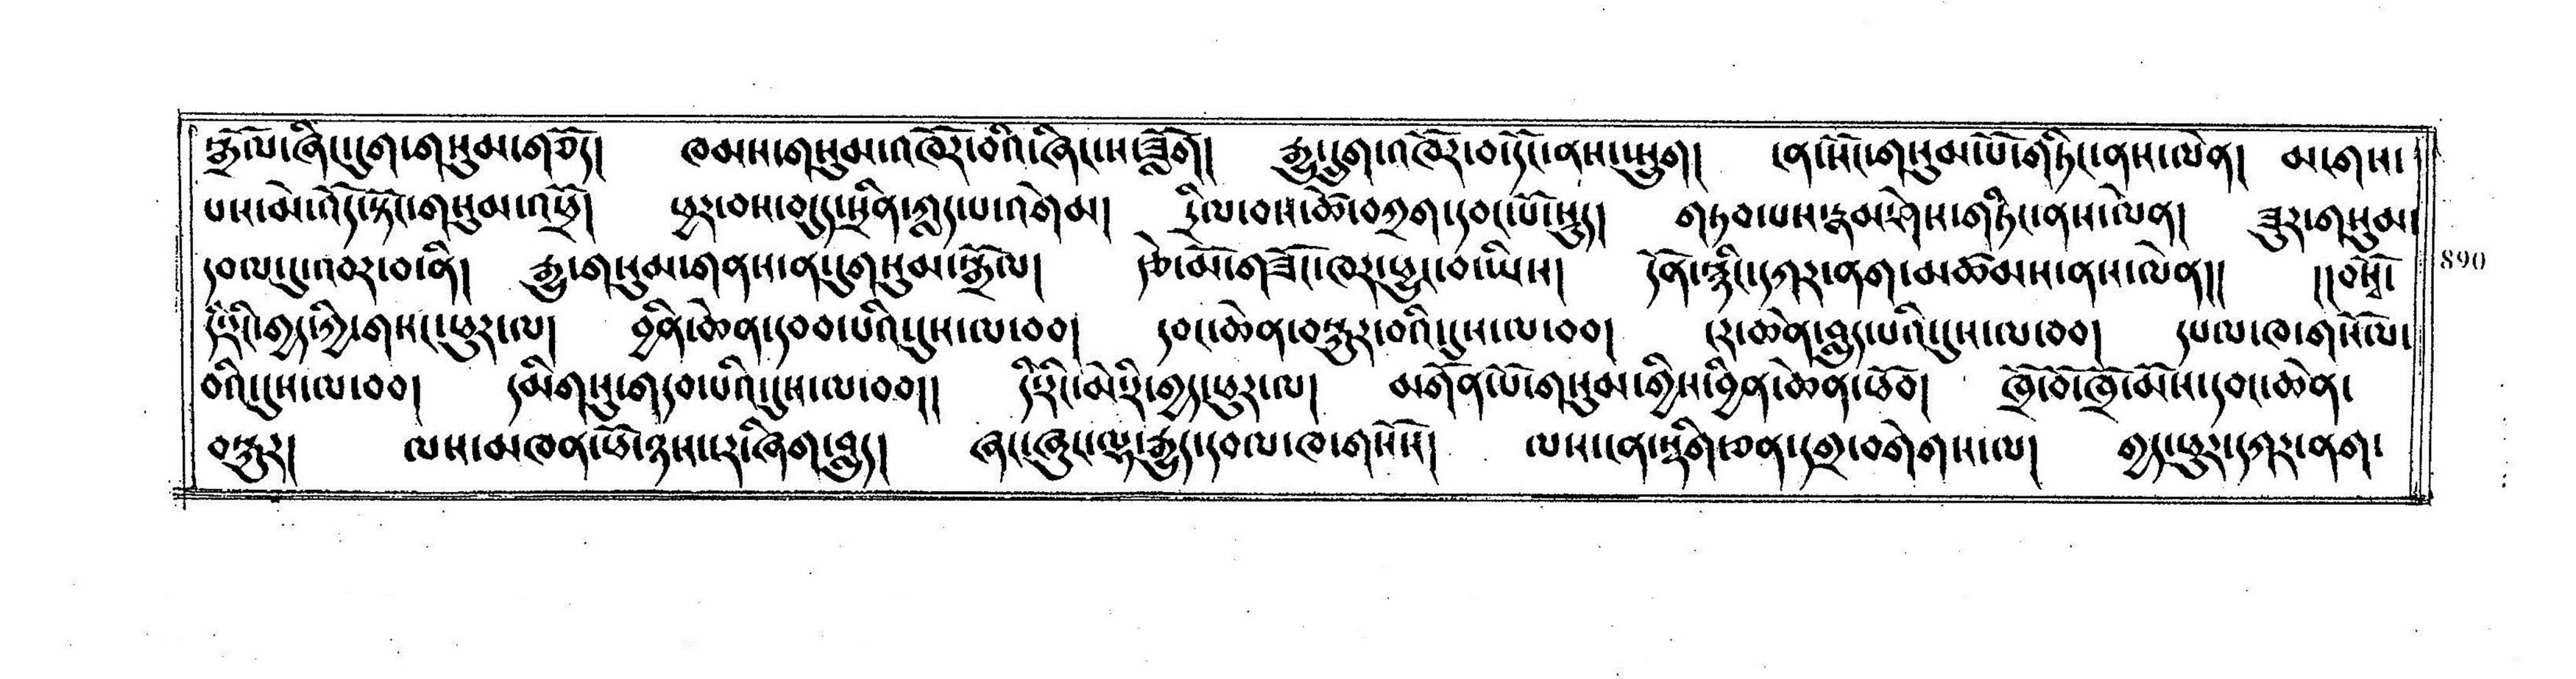སྒྲོལ་ཞིང་དུག་གསུམ་གཅོད། ཁམས་གསུམ་འཁོར་བའི་ཞིང་ས་ཟློག རྒྱུ་དྲུག་འཁོར་བ་དོང་ནས་སྤྲུག ངན་སོང་གསུམ་པོ་གཏིང་ནས་ལེན། མངགས་
པས་མེ་འོད་སྟོང་གསུམ་འཕྲོ། ཕྱར་བས་བདུད་སྲིན་ཀླད་པ་འགེམ། དྲིལ་བས་ཚེ་བཀྲག་དབང་པོ་སྡུད། གཏབ་པས་རྣམ་ཤེས་གཏིང་ནས་ལེན། ཟུར་གསུམ་
དབལ་དུ་འབར་བ་ནི། རྒྱུད་གསུམ་གནས་ན་དུག་གསུམ་སྒྲོལ། རྩེ་མོ་གཟོང་ཁར་ཕྱུང་བ་ཡིས། དོན་སྙིང་དཀར་ནག་མཚམས་ནས་ལེན།། །།བསྭོ་
དི་རིང་གྱད་ཀྱི་གསང་ཕུར་ལ། བྱིན་ཆེན་དབབ་པའི་དུས་ལ་བབ། དབང་ཆེན་བསྐུར་བའི་{1147}དུས་ལ་བབ། ངར་ཆེན་བླུད་པའི་དུས་ལ་བབ། དཔལ་ཁ་གསོལ་
བའི་དུས་ལ་བབ། དམིགས་སུ་གདབ་པའི་དུས་ལ་བབ།། དི་རིང་མེ་རི་གྱད་ཕུར་ལ། མགོན་པོ་གསུམ་གྱིས་བྱིན་ཆེན་ཕོབ། ཁྲོ་བོ་ཁྲོ་མོས་དབང་ཆེན་
བསྐུར། ལས་མཁན་ཕོ་ཉས་ངར་ཞིག་བླུད། ཞང་ཞུང་ལྷ་རྒྱུད་དབལ་ཁ་གསོས། ལས་ངན་སྡིག་ཅན་དགྲ་བགེགས་ལ།། གྱད་ཕུར་དཀར་ནག་